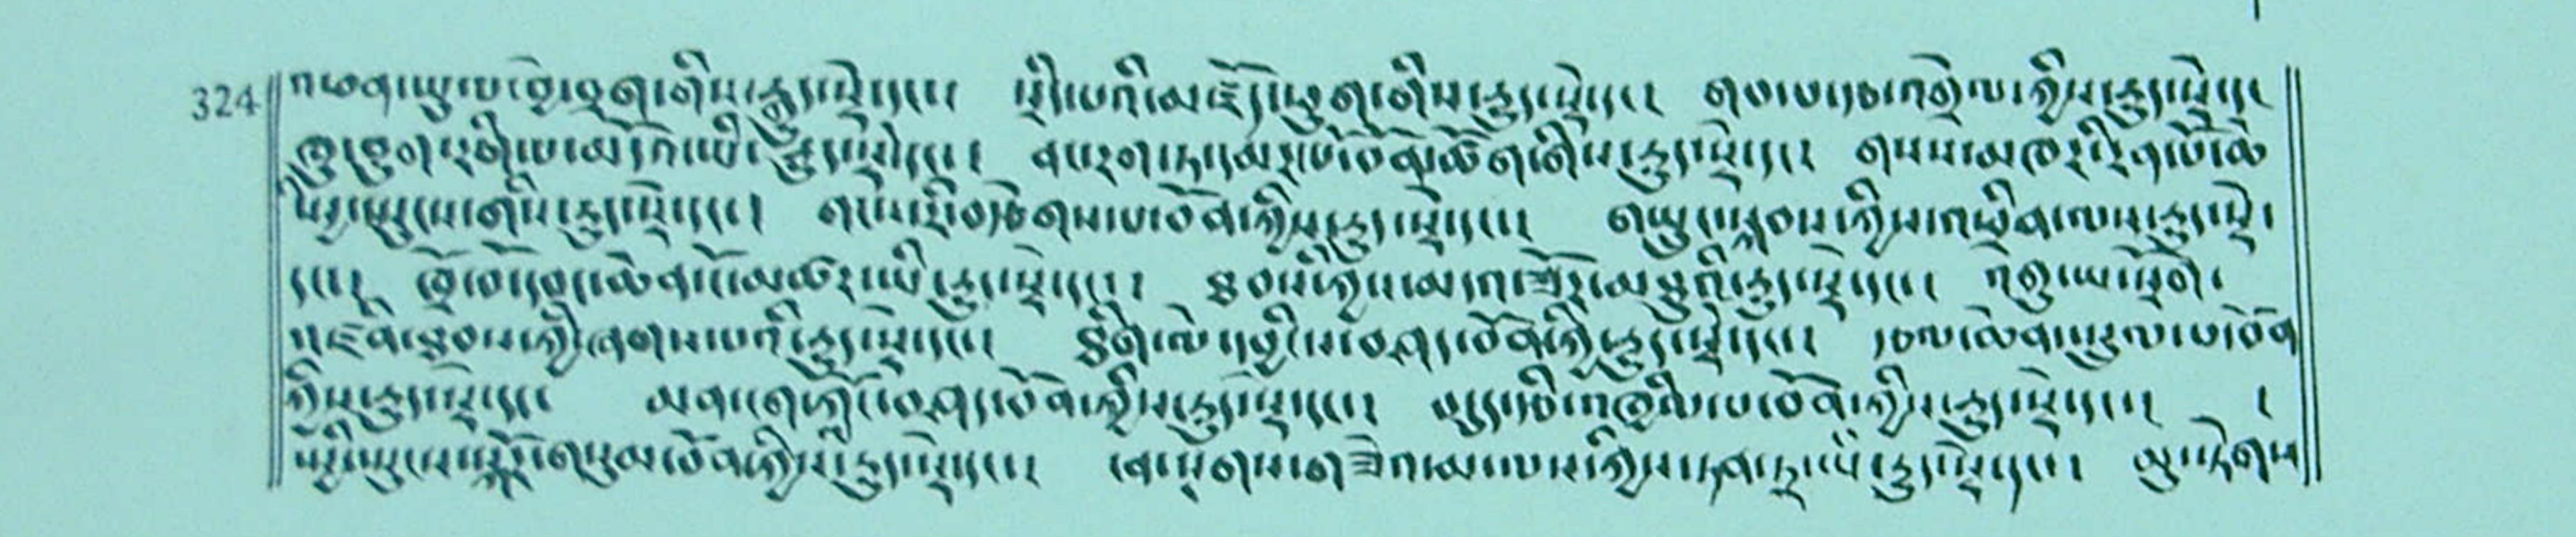འཕན་ཡུམ་བྱེ་བྲག་རྒྱུད་སྡེ་དང་། སྲིད་པ་མཛོད་ཕུགས་ཀྱི་རྒྱུད་སྡེ་དང་། གབ་པ་རྩ་འགྲེལ་གྱི་རྒྱུད་སྡེ་དང་། 
ཁུ་བྱུག་རིག་པ་མདོ་ཡི་རྒྱུད་སྡེ་དང་། ནང་རག་ཏ་དམར་བོ་བོན་ཚོག་གིས་རྒྱུད་སྡེ་དང་། གསས་མཁར་རིན་པོ་ཆེ་
སྤྱི་སྤུངས་ཀྱིས་རྒྱུད་སྡེ་དང་། གངས་རི་བརྩེགས་པ་བོན་གྱི་རྒྱུད་སྡེ་དང་། གཡུང་དྲུང་སྐབས་ཀྱི་འཕྲིན་ལས་རྒྱུད་སྡེ་
དང་། ཁྲོ་བོ་དབང་ཆེན་ངོ་མཚར་གྱི་རྒྱུད་སྡེ་དང་། ཐབས་ཀྱིས་མདའ་ཟོར་མཐུའི་རྒྱུད་སྡེ་དང་། འགུ་ཡ་སྲོག་
འཛིན་ཐབས་ཀྱི་ཞགས་པའི་རྒྱུད་སྡེ་དང་། ཐིག་ལེ་དབྱིངས་བཤད་བོན་གྱི་རྒྱུད་སྡེ་དང་། རྩལ་ཆེན་སྤྲུལ་པ་བོན་
གྱི་རྒྱུད་སྡེ་དང་། མན་ངག་ཀློང་སྔགས་བཤད་བོན་གྱི་རྒྱུད་སྡེ་དང་། བདུད་རྩི་འཁྱིལ་བ་བོན་གྱི་རྒྱུད་སྡེ་དང་། 
སྤྱི་སྤུངས་སྐོར་གསུམ་བོན་གྱི་རྒྱུད་སྡེ་དང་། ངན་སྔགས་གཟེ་མ་ལས་ཀྱི་ཏན་ཏྲ་ཡི་རྒྱུད་སྡེ་དང་། མུ་སྟེགས་